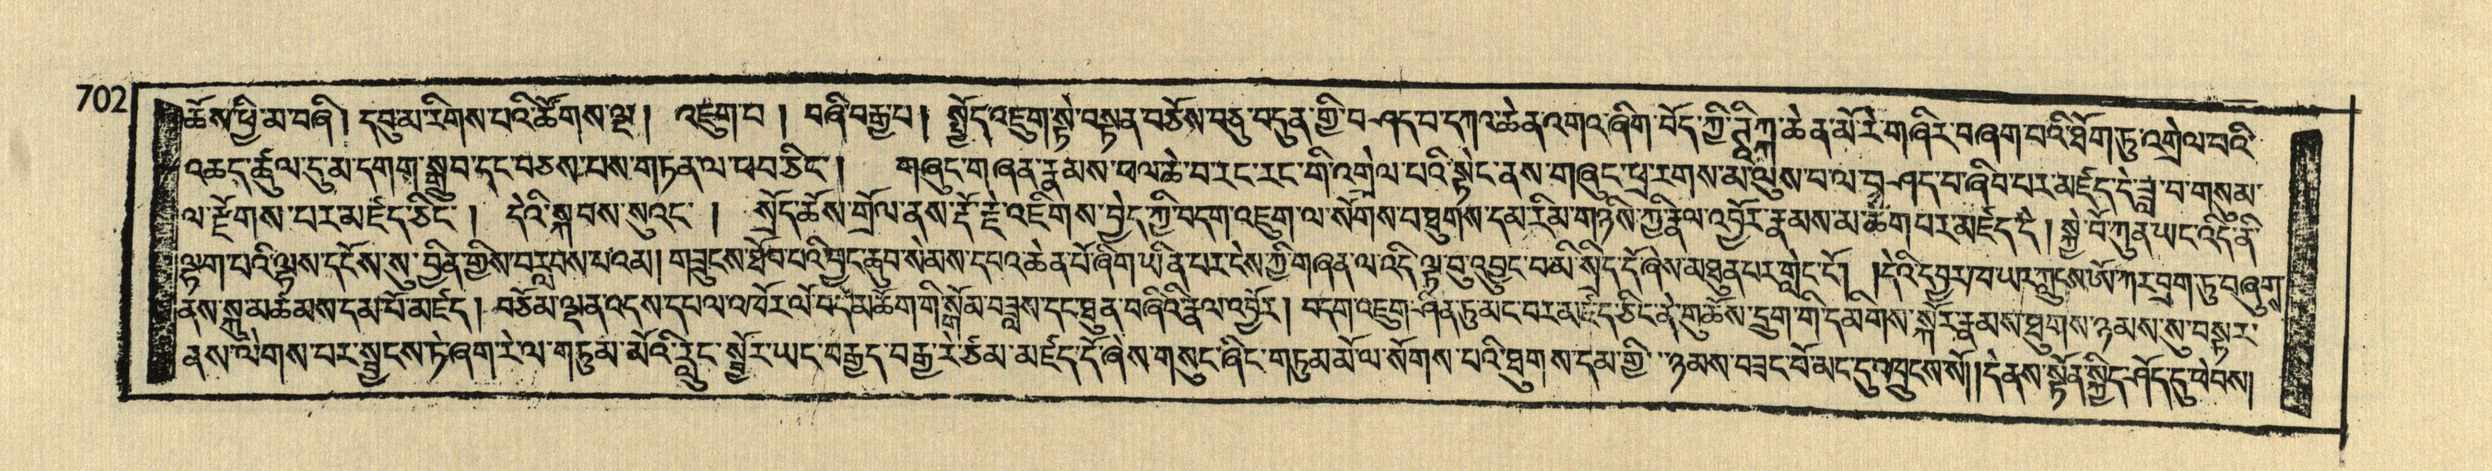ཆོས་ཕྱི་མ་བཞི། དབུ་མ་རིགས་པའི་ཚོགས་ལྔ། འཇུག་པ། བཞི་བརྒྱ་པ། སྤྱོད་འཇུག་སྟེ་བསྟན་བཅོས་བཅུ་བདུན་གྱི་བཤད་བ་དཀའ་ཆེན་འགའ་ཞིག་བོད་ཀྱི་ཊཱིཀྐ་ཆེན་མོ་རེ་གཞིར་བཞག་པའི་ཐོག་ཏུ་འགྲེལ་བའི་
འཆད་ཚུལ་དུ་མ་དགག་སྒྲུབ་དང་བཅས་པས་གཏན་ལ་ཕབ་ཅིང་། གཞུང་གཞན་རྣམས་ཕལ་ཆེ་བ་རང་རང་གི་འགྲེལ་པའི་སྟེང་ནས་གཞུང་ཕྲ་རགས་མ་ལུས་པ་ལ་བཤད་པ་ཞིབ་པར་མཛད་དེ་ཟླ་བ་གསུམ་
ལ་རྫོགས་པར་མཛད་ཅིང་། དེའི་སྐབས་སུའང་། སྲོད་ཆོས་གྲོལ་ནས་རྡོ་རྗེ་འཇིགས་བྱེད་ཀྱི་བདག་འཇུག་ལ་སོགས་པ་ཐུགས་དམ་རིམ་གཉིས་ཀྱི་རྣལ་འབྱོར་རྣམས་མ་ཆག་པར་མཛད་དེ། སྐྱེ་བོ་ཀུན་ཡང་འདི་ནི་
ལྷག་པའི་ལྷས་དངོས་སུ་བྱིན་གྱིས་བརླབས་པའམ། གཟུངས་ཐོབ་པའི་བྱང་ཆུབ་སེམས་དཔའི་ཆེན་པོ་ཞིག་ཡིན་པར་ངེས་ཀྱི་གཞན་ལ་འདི་ལྟ་བུ་འབྱུང་མི་སྲིད་དོ་ཞེས་མཐུན་པར་གླེང་ངོ། །དེའི་དབྱར་ཁ་ཡར་ཀླུངས་ཨོ་ཀར་བྲག་ཏུ་བཞུགས་
ནས་སྐུ་མཚམས་དམ་པོ་མཛད། བཅོམ་ལྡན་འདས་དཔལ་འཁོར་ལོ་བདེ་མཆོག་གི་སྒོམ་བཟླས་དང་ཐུན་བཞིའི་རྣལ་འབྱོར། བདག་འཇུག་ཤིན་ཏུ་མང་བར་མཛད་ཅིང་ནེ་གུ་ཆོས་དྲུག་གི་དམིགས་སྐོར་རྣམས་ཐུགས་ཉམས་སུ་བསྟར་
ནས་ལེགས་པར་སྦྱངས་ཏེ་ཞག་རེ་ལ་གཏུམ་མོའི་རླུང་སྦྱོར་ཡང་བརྒྱད་བརྒྱ་རེ་ཙམ་མཛད་དོ་ཞེས་གསུང་ཞིང་གཏུམ་མོ་ལ་སོགས་པའི་ཐུགས་དམ་གྱི་ཉམས་བཟང་པོ་མང་དུ་འཁྲུངས་སོ། །དེ་ནས་སྟོན་སྐྱིད་ཤོད་དུ་ཕེབས།